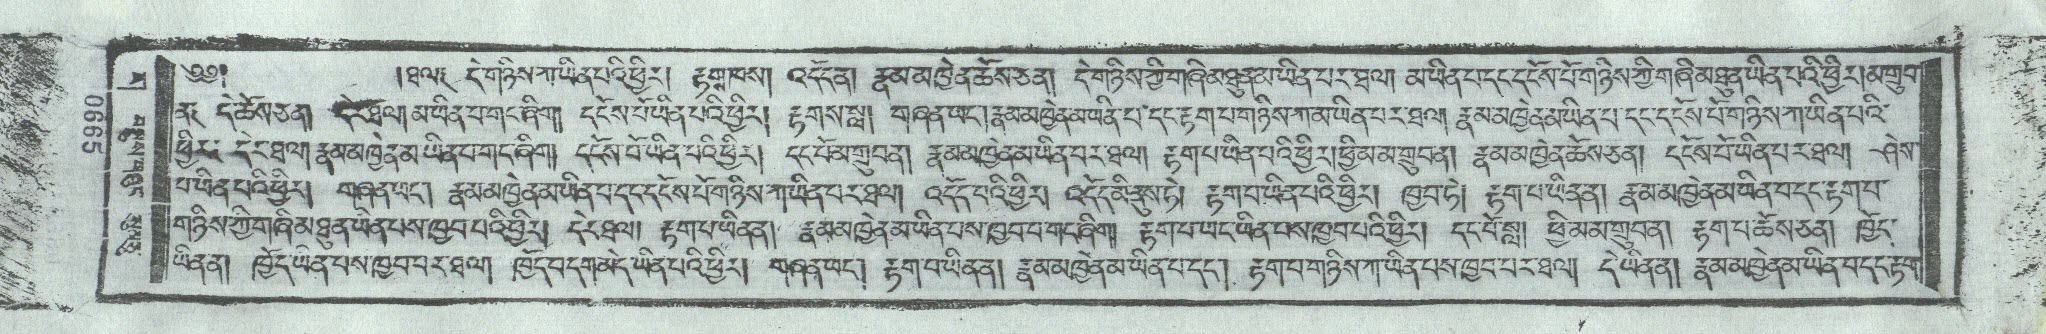༄༅། །ཐལ༑ དེ་གཉིས་ཀ་ཡིན་པའི་ཕྱིར། རྟགས་ཁས། འདོད་ན། རྣམ་མཁྱེན་ཆོས་ཅན། དེ་གཉིས་ཀྱི་གཞི་མཐུན་མ་ཡིན་པར་ཐལ། མ་ཡིན་པ་དང་དངོས་པོ་གཉིས་ཀྱི་གཞི་མཐུན་ཡིན་པའི་ཕྱིར། མ་གྲུབ་
ན༑ དེ་ཆོས་ཅན། དེར་ཐལ། མ་ཡིན་པ་གང་ཞིག། དངོས་པོ་ཡིན་པའི་ཕྱིར། རྟགས་སླ། གཞན་ཡང་། རྣམ་མཁྱེན་མ་ཡིན་པ་དང་རྟག་པ་གཉིས་ཀ་མ་ཡིན་པར་ཐལ། རྣམ་མཁྱེན་མ་ཡིན་པ་དང་དངོས་པོ་གཉིས་ཀ་ཡིན་པའི་
ཕྱིར༑ དེར་ཐལ། རྣམ་མཁྱེན་མ་ཡིན་པ་གང་ཞིག། དངོས་པོ་ཡིན་པའི་ཕྱིར། དང་པོ་མ་གྲུབ་ན། རྣམ་མཁྱེན་མ་ཡིན་པར་ཐལ། རྟག་པ་ཡིན་པའི་ཕྱིར། ཕྱི་མ་མ་གྲུབ་ན། རྣམ་མཁྱེན་ཆོས་ཅན། དངོས་པོ་ཡིན་པར་ཐལ། ཤེས་
པ་ཡིན་པའི་ཕྱིར། གཞན་ཡང་། རྣམ་མཁྱེན་མ་ཡིན་པ་དང་དངོས་པོ་གཉིས་ཀ་ཡིན་པར་ཐལ། འདོད་པའི་ཕྱིར། འདོད་མི་ནུས་ཏེ། རྟག་པ་ཡིན་པའི་ཕྱིར། ཁྱབ་ཏེ། རྟག་པ་ཡིན་ན། རྣམ་མཁྱེན་མ་ཡིན་པ་དང་རྟག་པ་
གཉིས་ཀྱི་གཞི་མཐུན་ཡིན་པས་ཁྱབ་པའི་ཕྱིར། དེར་ཐལ། རྟག་པ་ཡིན་ན། རྣམ་མཁྱེན་མ་ཡིན་པས་ཁྱབ་པ་གང་ཞིག། རྟག་པ་ཡང་ཡིན་པས་ཁྱབ་པའི་ཕྱིར། དང་པོ་སླ། ཕྱི་མ་མ་གྲུབ་ན། རྟག་པ་ཆོས་ཅན། ཁྱོད་
ཡིན་ན། ཁྱོད་ཡིན་པས་ཁྱབ་པར་ཐལ། ཁྱོད་བདག་མེད་ཡིན་པའི་ཕྱིར། གཞན་ཡང་། རྟག་པ་ཡིན་ན། རྣམ་མཁྱེན་མ་ཡིན་པ་དང་། རྟག་པ་གཉིས་ཀ་ཡིན་པས་ཁྱབ་པར་ཐལ། དེ་ཡིན་ན། རྣམ་མཁྱེན་མ་ཡིན་པ་དང་རྟག་